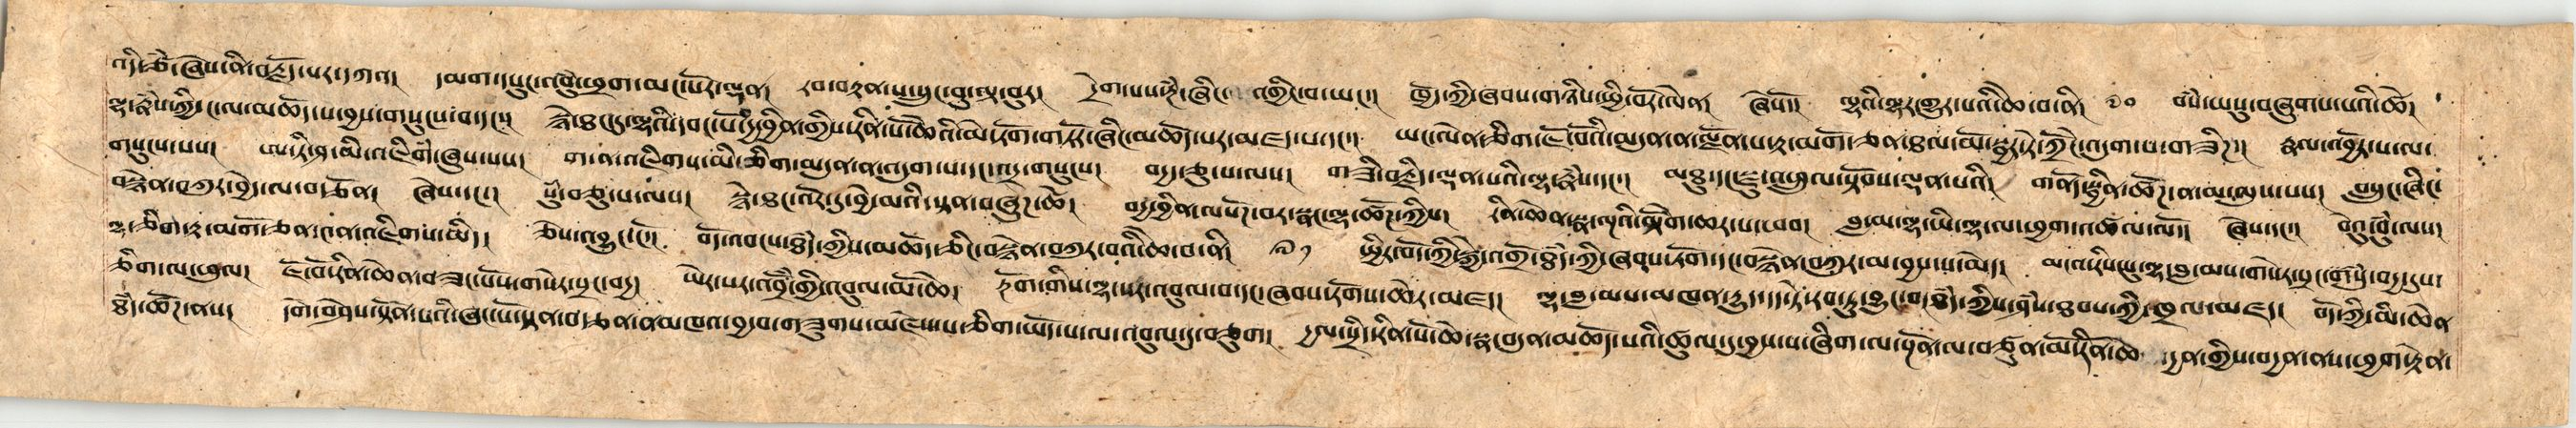འདི་ཙཾ་ཞེས་ནི་བརྗོད་པར་དཀའ། དམག་དཔུང་འབུཾ་ཕྲག་མང་པོར་ལྡན། རབ་བརྟན་ས་སྲུང་བུ་ལྟ་བུར། དྲེགས་པས་རྔཾ་ཞིང་ འགྱིང་བ་ཡང་། ཁྱོད་ཀྱི་ཞབས་གཉིས་སྤྱི་བོར་ལེན། ཞེསོ་། ལྷའི་ལྷར་གྱུར་པའི་ཆེ་བ་ནི། ༧༠ བསཾ་ཡསུ་བཞུགས་པའི་ཚེ།
ལྷ་རྣཾས་ཀྱི་ང་ལ་མཆོད་པ་བྱས་གསུངས་བ་དང་། སྙེ་ཐང་དུ་ལྷའི་དབང་པོ་བདྱ་བྱིན་གྱིས་རིན་པོ་ཆེའི་མེ་ཏོག་གཏོར་ཞིང་མཆོད་པར་མཛད་པ་དང་། ཡང་ལེན་ཅིག་ཇོ་བོའི་མདུན་ན་ལྗོན་པ་རྟ་མགོ་ཅན་ཐལ་མོ་སྦྱར་ཏེ་ཀྲོངེ་འདུག་པ་གཟིཌ་། རྣལ་འབྱོར་པ་ལ་
གསུངས་པས། ཨ་ཏི་ཤ་མི་འཇིགཾ་ཞུས་པས། ག་ན་འཇིགས་མི་ཅིག་མདུན་ན་འདུག་པ་དང་འདྲ་གསུངས། བདྱད་ཅུ་པ་ལས། གཟི་བརྗིད་ལྡན་པའི་ལྷ་རྣཾས་དང་། མཐུ་དང་སྫུ་འཕྲུལ་སྟོབས་ལྡན་པའི། གནོད་སྦྱིན་ཚོཌ་ན་མ་ལུས་པས། བསྲུང་ཞིང་
བསྙེན་བཀུར་བྱེད་ལ་བརྩོན། ཞེས་དང་། སུཾ་བཅུ་པ་ལས། སྙེ་ཐང་འོར་དུ་བྱེ་མའི་སྟན་བཞུཌ་ཚེ། བདྱ་བྱིན་ལསོཌ་བར་སྣང་ལྷ་ཚོཌ་ཀྱིས། རིན་ཆེན་སྣ་ལྔའི་མྟེོག་ཆར་པ་ཕབ། བླ་མ་ལྷ་ཡི་ལྷ་ལ་ཕྱག་འཚལ་ལོ། ཞེས་དང་། བེའུ་བུཾ་ལས།
ལྷ་ཅིག་རྟ་མགོ་ཅན་༤ན་འཇིགས་མིད། ཅེས་འབྱུང་ངོ་། བོད་འབངས་ཐཾད་གྱིས་མཆོད་ཅིང་བསྙེན་བཀུར་བའི་ཆེ་བ་ནི། ༧༡ སྤྱིར་བོད་ཀྱི་སྐྱེ་འགྲོ་ཐཾད་ཀྱི་ཞབས་ཏོག་དང་བསྙེན་བཀུར་མ་བྱས་པ་མེད། མངའ་རིས་སུ་ལྷ་བླ་མས་གསེར་སྲང་གསུཾ་བདྱ་དུས་་
ཅིག་ལ་ཕུལ། ཇོ་བོ་རིན་ཆེན་བཟང་པོས་གསེར་སྲང་བདྱ། ཡེར་པར་འབྲོཾ་གྱི་འབུལ་མོ་ཆེ། རྔོག་གིས་ལྷ་སར་འབུལ་བ་དང་ཞབས་ཏོགས་ཆེར་མཛད། ལྷ་བླ་མས་མཁན་དྱུད་དད་ཏེ་རབ་ཏུ་བྱུང་བ་ཐཾད་ཀྱིས་ཤཾས་ཐབས་ཀྱི་ཁྲལ་མཛད། བོད་ཀྱི་མི་ཆེན
ཐཾད་ཚོཌ་ནས། དགེ་བཤེས་སྟོན་པའི་ཞང་པོ་སྟན་བ་ཙན་ནམཁའ་བྱ་བ་གཟུགས་མཛེས་པ་ཅིག་ཡོད་པ་ལ་འབུལ་དུ་བཅུག། དྱལ་སྲིད་རིན་པོ་ཆེ་སྣ་བདུན་མཆོད་པའི་ཚུལ་དུ་བྱས་པ་ཞིག་ལ་སྔོན་ལ་བཙུན་མོ་རིནོ་ཆེ་དྱན་གྱིས་བདྱན་ནས་ཕྱག་རྟེན་